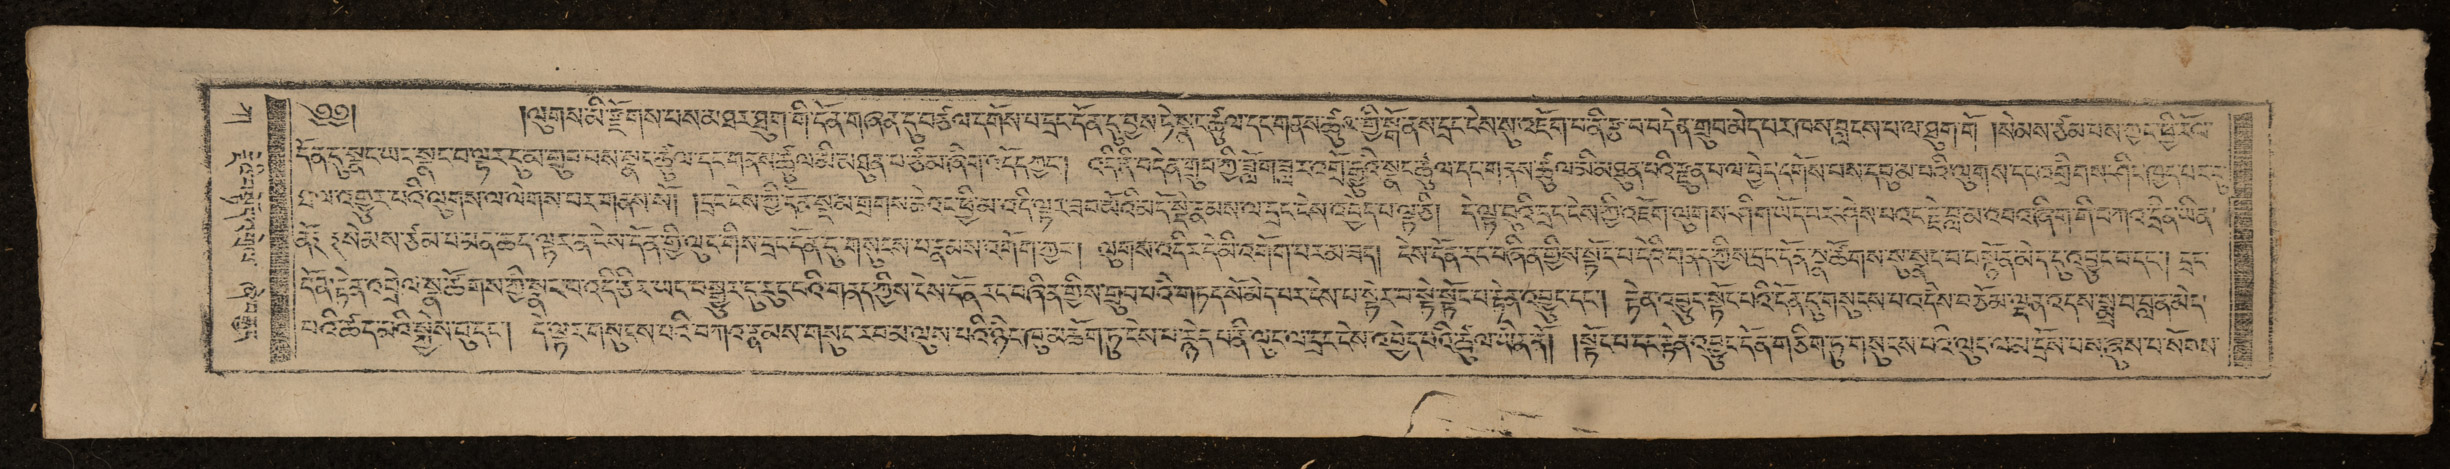༄༅། །ལུགས་མི་རྫོགས་པས་མཐར་ཐུག་གི་དོན་གཞན་དུ་བཙལ་དགོས་པ་དྲང་དོན་དུ་བྱས་ཏེ་སྣང་ཚུལ་དང་གནས་ཚུལ་གྱི་སྒོ་ནས་དྲང་ངེས་སུ་འཇོག་པ་ནི་རྩ་བ་བདེན་གྲུབ་མེད་པར་ཁས་བླངས་པ་ལ་ཐུག་གོ །སེམས་ཙམ་པས་ཀྱང་ཕྱི་རོལ་
དོན་དུ་སྣང་ཡང་སྣང་བ་ལྟར་དུ་མ་གྲུབ་པས་སྣང་ཚུལ་དང་གནས་ཚུལ་མི་མཐུན་པ་ཙམ་ཞིག་འདོད་ཀྱང་། འདི་ནི་བདེན་གྲུབ་ཀྱི་ཟློག་ཟླར་འགྲོ་རྒྱུའི་སྣང་ཚུལ་དང་གནས་ཚུལ་མི་མཐུན་པའི་རྫུན་པ་ལ་བྱེད་དགོས་པས་དབུ་མ་པའི་ལུགས་དང་འགྲིགས་ཤིང་ཁྱད་པར་
ཐལ་འགྱུར་བའི་ལུགས་ལ་ལེགས་པར་གནས་སོ། །དྲང་ངེས་ཀྱི་དོན་སྔ་མ་གྲགས་ཆེའང་ཕྱི་མ་འདི་ལྟར་ཟབ་མོའི་མདོ་སྡེ་རྣམས་ལ་དྲང་ངེས་འབྱེད་པ་ལྟ་ཅི། དེ་ལྟ་བུའི་དྲང་ངེས་ཀྱི་འཇོག་ལུགས་ཤིག་ཡོད་པར་ཤེས་པའང་རྗེ་བླ་མ་འབའ་ཞིག་གི་བཀའ་དྲིན་ཡིན་
ནོ༑ ༑སེམས་ཙམ་པ་མན་ཆད་ལྟར་ན་ངོས་དོན་གྱི་ལུང་གིས་དྲང་དོན་དུ་གསུངས་པ་རྣམས་འགོག་ཀྱང་། ལུགས་འདིར་དེ་མི་འགོག་བར་མ་ཟད། ངེས་དོན་རང་བཞིན་གྱིས་སྟོང་པ་དེའི་གནད་ཀྱིས་དྲང་དོན་སྣ་ཚོགས་སུ་སྣང་བ་བསྙོན་མེད་དུ་འབྱུང་བ་དང་། དྲང་
དོན་རྟེན་འབྲེལ་སྣ་ཚོགས་ཀྱི་སྣང་བ་འདི་ཅིར་ཡང་བསྒྱུར་དུ་རུང་བའི་གནད་ཀྱིས་ངེས་དོན་རང་བཞིན་གྱིས་གྲུབ་པའི་གཏད་སོ་མེད་པར་ངེས་བ་སྟེར་བ་སྟེ་སྟོང་པ་རྟེན་འབྱུང་དང་། རྟེན་འབྱུང་སྟོང་པའི་དོན་དུ་གསུངས་པའི་འདིས་བཅོམ་ལྡན་འདས་སྨྲ་བ་བླ་ན་མེད་
པའི་ཚད་མའི་སྐྱེས་བུ་དང་། དེ་ལྟར་གསུངས་པའི་བཀའ་རྣམས་གསུང་རབ་མ་ལུས་པའི་ཉིད་ཁུ་མཆོག་ཏུ་ངེས་པ་རྙེད་པ་ནི་ལུང་ལ་དྲང་ངེས་འབྱེད་པའི་ཚུལ་ཡིན་ནོ། །སྟོང་པ་དང་རྟེན་འབྱུང་དོན་གཅིག་ཏུ་གསུངས་པའི་ལུང་ལ་མ་དྲོས་པས་ཞུས་པ་སོགས་